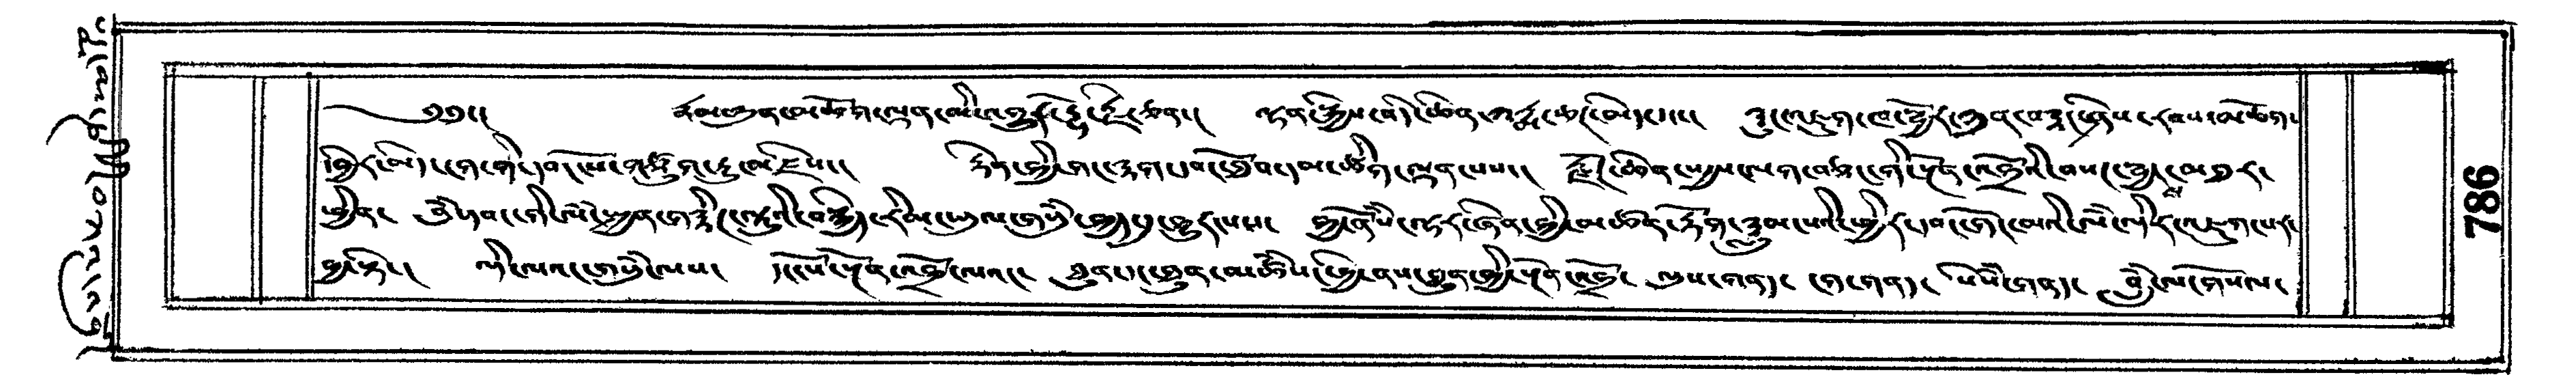རྣམ་ཀུན་མཆོག་ལྡན་མི་འགྱུར་རྡོ་རྗེ་ཅན། །ལྷན་སྐྱེས་བདེ་ཆེན་ཀརྨ་ཆགས་མེད་དང་། །ཟུང་འཇུག་ཁ་སྦྱོར་ཀུན་བཟང་ཤེས་རབ་མཆོག 
དབྱེར་མེད་ངག་གི་དབང་པོ་གཙུག་ཏུ་མཛེས། རྟེན་གྱི་གང་ཟག་དབང་ཐོབ་དམ་ཚིག་ལྡན་པས། རྫོགས་ཆེན་སངས་རྒྱས་ལག་བཅང་གི་སྔོན་འགྲོའི་བསགས་སྦྱངས་མཐར་
ཕྱིན། བུམ་དབང་གི་ལམ་སྤྱན་རས་གཟིགས་ལྟ་བུའི་བསྐྱེད་རིམ་ཡུལ་གསུམ་གྱད་དུ་གྱུར་པས། གྱ་ནོམ་ལྷར་ཞེན་གྱི་མཚན་རྟོག་ཟླུམ་པའི་ཕྱིར་དབང་གོང་མའི་ལམ་འདིར་འཇུག་པར་
བྱ་སྟེ། འདི་ལའང་གསུམ་ལས། དང་པོ་སྔོན་འགྲོ་ལའང་། ཐུན་དང་ཐུན་མཚམས་དབྱེ་ནས་ཐུན་གྱི་སྔོན་འགྲོ། ལུས་གནད། ངག་གནད། སེམས་གནད། བླ་མ་ལ་གསོལ་